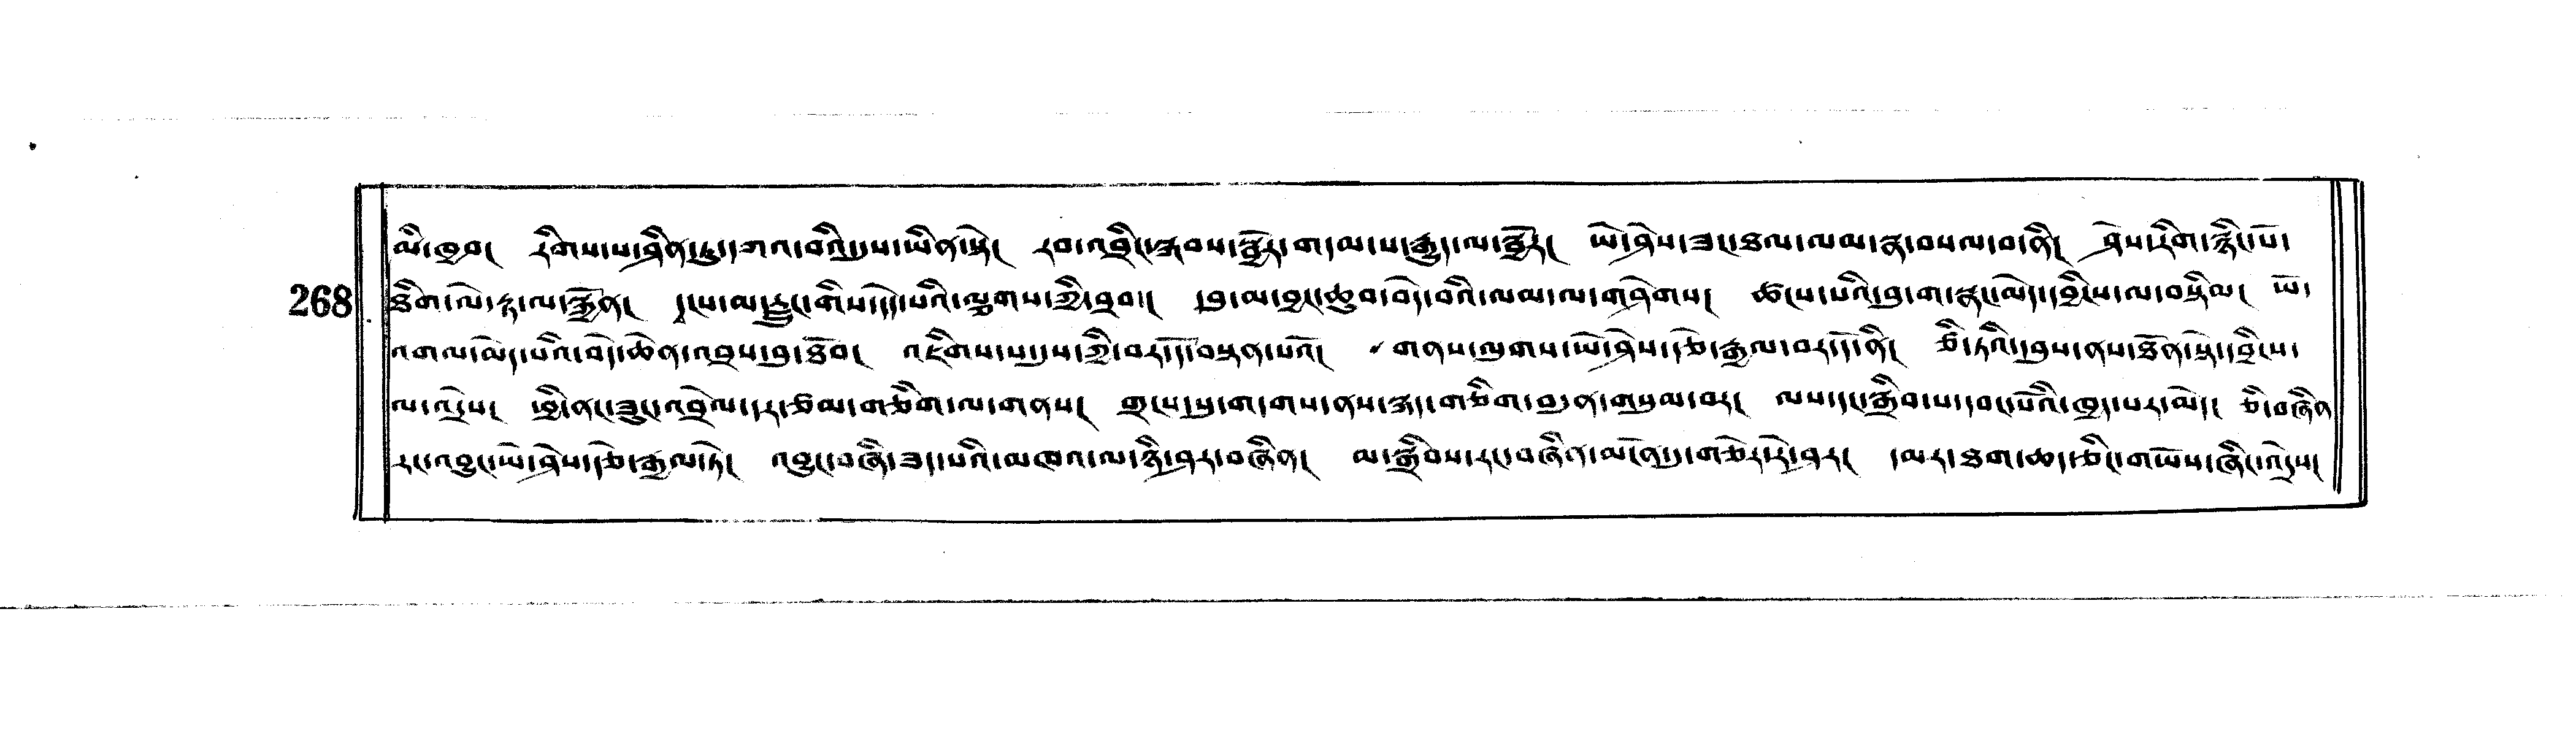མི་ཁྱབ། རིགས་པ་ཤིན་ཏུ་དཀའ་བའི་དུས་ཡིན་ཏེ། རབ་འབྲིང་སྐབས་སྦྱོར་གདམས་པ་རྒྱུད་ལ་སྦྱོར། ཡེ་ཤེས་ཟང་ཐལ་ལམ་སྣ་བསལ་བ་ནི། ཤེས་རིག་སྙིང་པོ་
ཐིག་ལེ་རྟ་ལ་བསྐྱོན། དངས་མ་རླུང་གིས་དེད་པའི་ལྕགས་ཀྱིས་བྲབ། དབུ་མ་བྱང་ཆུབ་བདེ་བའི་ལམ་ལ་གཤེགས། ཚངས་པའི་བུ་ག་སྣང་མེད་དབྱིངས་ལ་བསྟིམ། ཡོ་
འགལ་མེད་པའི་བདེ་ཆེན་འབྲས་བུ་ཐོབ། འཇིག་པ་དུས་ཀྱི་བར་དོ་བསྟན་པའོ། ༧ གནས་ལུགས་ཡེ་ཤེས་རྩེ་རྒྱལ་བར་དོ་ནི། ཙིརྟའི་དབུས་ནས་ཐོན་ཏེ་དབྱིངས་
ལ་འདྲེས། ཕྱི་ནང་ཟུང་འབྲེལ་དར་ཙམ་གཅིག་ལ་གནས། གྲངས་སུ་གདགས་ནས་སྐད་ཅིག་བདུན་གསུམ་བར། ལས་དང་སྒྲིབ་པ་དབང་པོའི་ཁྱད་པར་མེད། ཅི་བཞིན་
རང་འབྱུང་ཡེ་ཤེས་རྩེ་རྒྱལ་ཏེ། འབྱུང་བཞི་ཟད་པའི་མཁའ་ལ་ཉི་ཤར་བཞིན། མ་སྒྲིབ་རང་བཞིན་མངོན་དུ་ཅེ་རེ་ཤར། དམར་ཐག་ཆད་ཅིང་གཡོས་ཤིང་འདྲེས་